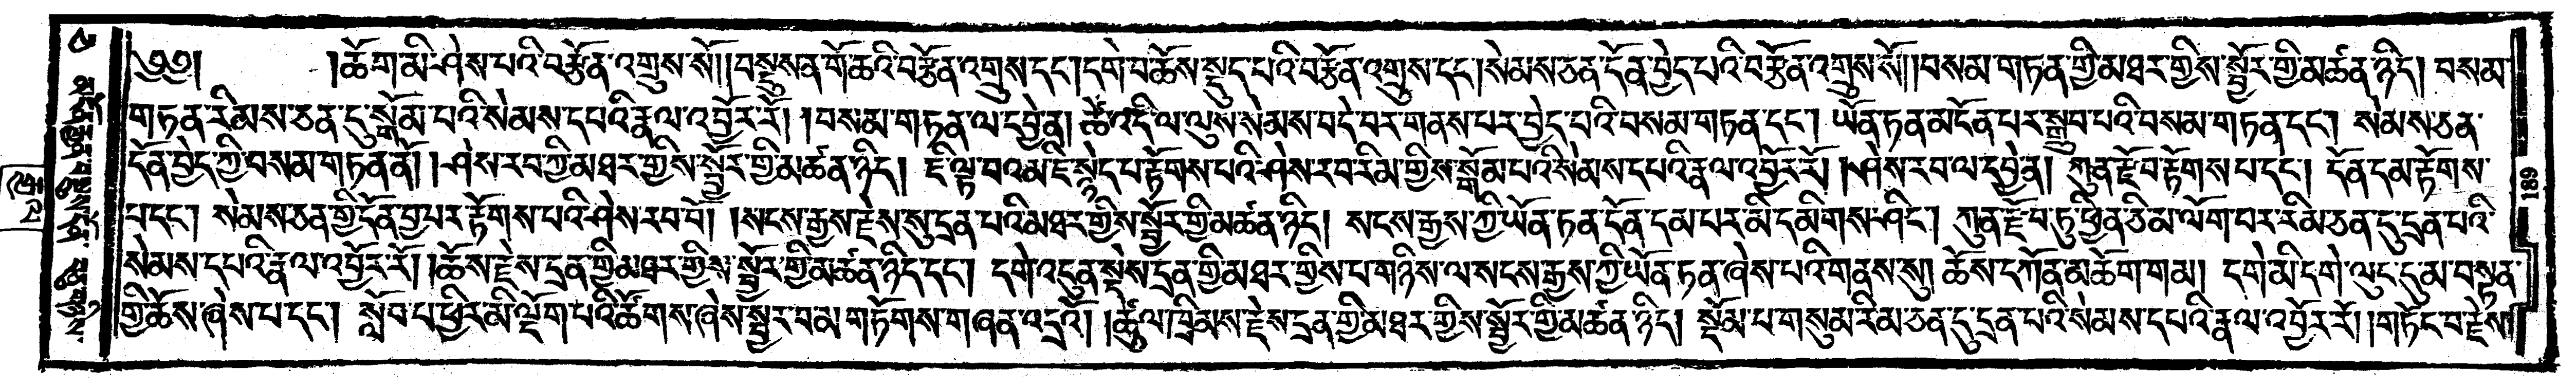༄༅། །ཆོག་མི་ཤེས་པའི་བརྩོན་འགྲུས་སོ། །བསྡུས་ན་གོ་ཆའི་བརྩོན་འགྲུས་དང་། དགེ་བ་ཆོས་སྡུད་པའི་བརྩོན་འགྲུས་དང་། སེམས་ཅན་དོན་བྱེད་པའི་བརྩོན་འགྲུས་སོ། །བསམ་གཏན་གྱི་མཐར་གྱིས་སྦྱོར་གྱི་མཚན་ཉིད། བསམ་
གཏན་རིམས་ཅན་དུ་སྒོམ་པའི་སེམས་དཔའི་རྣལ་འབྱོར་རོ། །བསམ་གཏན་ལ་དབྱེ་ན། ཚེ་འདི་ལ་ལུས་སེམས་བདེ་བར་གནས་པར་བྱེད་པའི་བསམ་གཏན་དང་། ཡོན་ཏན་མངོན་པར་སྒྲུབ་པའི་བསམ་གཏན་དང་། སེམས་ཅན་
དོན་བྱེད་ཀྱི་བསམ་གཏན་ནོ། །ཤེས་རབ་ཀྱི་མཐར་གྱིས་སྦྱོར་གྱི་མཚན་ཉིད། ཇི་ལྟ་བའམ་ཇི་སྙེད་པ་རྟོགས་པའི་ཤེས་རབ་རིམ་གྱིས་སྒོམ་པའི་སེམས་དཔའི་རྣལ་འབྱོར་རོ། །ཤེས་རབ་ལ་དབྱེ་ན། ཀུན་རྫོབ་རྟོགས་པ་དང་། དོན་དམ་རྟོགས་
པ་དང་། སེམས་ཅན་གྱི་དོན་བྱ་བར་རྟོགས་པའི་ཤེས་རབ་པོ། །སངས་རྒྱས་རྗེས་སུ་དྲན་པའི་མཐར་གྱིས་སྦྱོར་གྱི་མཚན་ཉིད། སངས་རྒྱས་ཀྱི་ཡོན་ཏན་དོན་དམ་པར་མི་དམིགས་ཤིང་། ཀུན་རྫོབ་ཏུ་ཕྱིན་ཅི་མ་ལོག་པར་རིམ་ཅན་དུ་དྲན་པའི་
སེམས་དཔའི་རྣལ་འབྱོར་རོ། །ཆོས་རྗེས་དྲན་གྱི་མཐར་གྱིས་སྦྱོར་གྱི་མཚན་ཉིད་དང་། དགེ་འདུན་སྡེས་དྲན་གྱི་མཐར་གྱིས་པ་གཉིས་ལ་སངས་རྒྱས་ཀྱི་ཡོན་ཏན་ཞེས་པའི་གནས་སུ། ཆོས་དཀོན་མཆོག་གམ། དགེ་མི་དགེ་ལུང་དུ་མ་བསྟན་
གྱི་ཆོས་ཞེས་པ་དང་། སློབ་པ་ཕྱིར་མི་ལྡོག་པའི་ཚོགས་ཞེས་སྦྱར་བ་མ་གཏོགས་གཞན་འདྲའོ། །ཚུལ་ཁྲིམས་རྗེས་དྲན་གྱི་མཐར་གྱིས་སྦྱོར་གྱི་མཚན་ཉིད། སྡོམ་པ་གསུམ་རིམ་ཅན་དུ་དྲན་པའི་སེམས་དཔའི་རྣལ་འབྱོར་རོ། །གཏོང་བ་རྗེས་